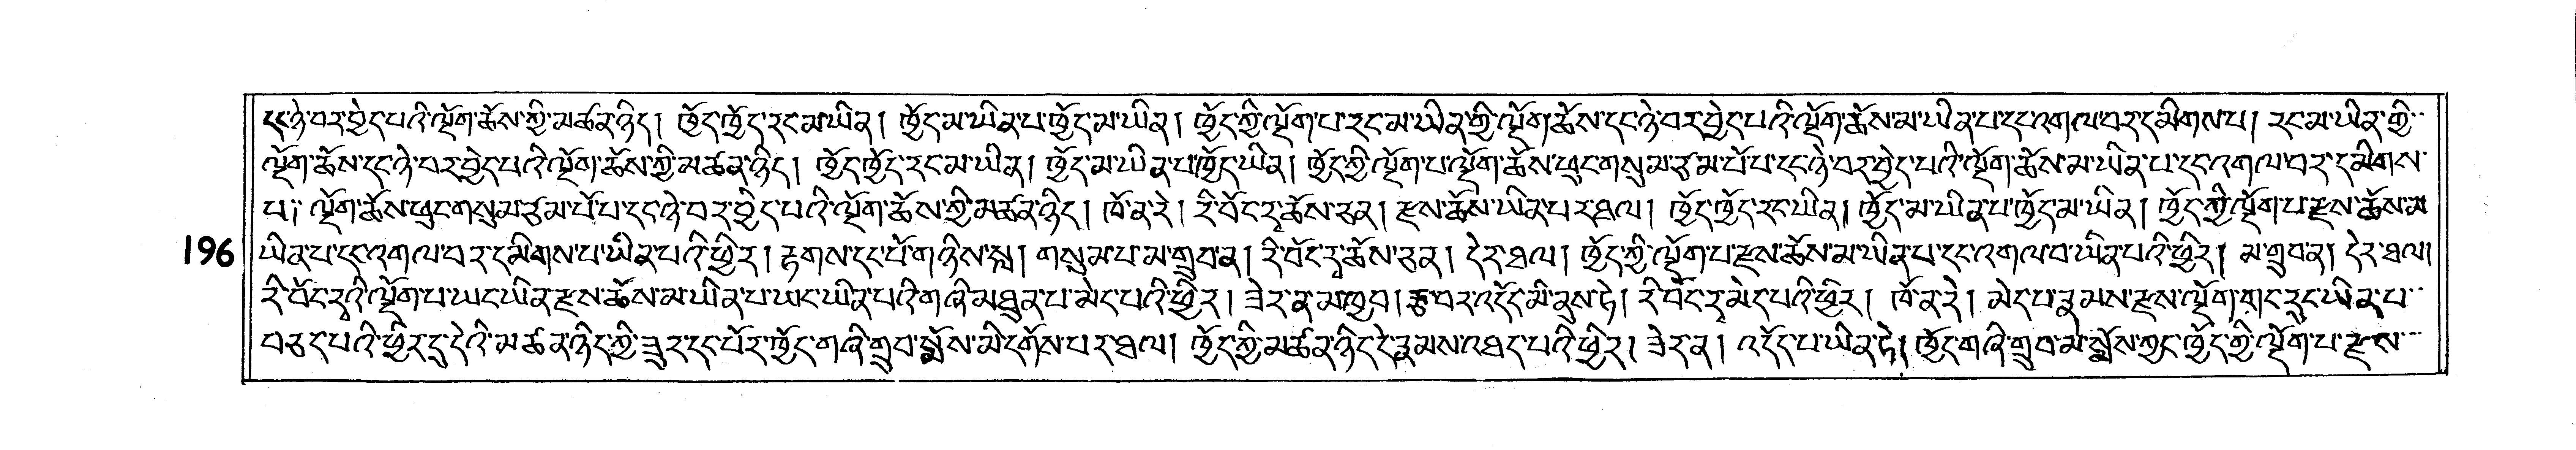དང་ཉེ་བར་བྱེད་པའི་ལྡོག་ཆོས་ཀྱི་མཚན་ཉིད། ཁྱོད་ཁྱོད་རང་མ་ཡིན། ཁྱོད་མ་ཡིན་པ་ཁྱོད་མ་ཡིན། ཁྱོད་ཀྱི་ལྡོག་པ་རང་མ་ཡིན་གྱི་ལྡོག་ཆོས་དང་ཉེ་བར་བྱེད་པའི་ལྡོག་ཆོས་མ་ཡིན་པ་དང་འགལ་བར་དམིགས་པ། རང་མ་ཡིན་གྱི་
ལྡོག་ཆོས་དང་ཉེ་བར་བྱེད་པའི་ལྡོག་ཆོས་ཀྱི་མཚན་ཉིད། ཁྱོད་ཁྱོད་རང་མ་ཡིན། ཁྱོད་མ་ཡིན་པ་ཁྱོད་ཡིན། ཁྱོད་ཀྱི་ལྡོག་པ་ལྡོག་ཆོས་ཕུང་གསུམ་ཙམ་པོ་པ་དང་ཉེ་བར་བྱེད་པའི་ལྡོག་ཆོས་མ་ཡིན་པ་དང་འགལ་བར་དམིགས་
པ༑ ལྡོག་ཆོས་ཕུང་གསུམ་ཙམ་པོ་པ་དང་ཉེ་བར་བྱེད་པའི་ལྡོག་ཆོས་ཀྱི་མཚན་ཉིད། ཁོ་ན་རེ། རི་བོང་རྭ་ཆོས་ཅན། རྫས་ཆོས་ཡིན་པར་ཐལ། ཁྱོད་ཁྱོད་རང་ཡིན། ཁྱོད་མ་ཡིན་པ་ཁྱོད་མ་ཡིན། ཁྱོད་ཀྱི་ལྡོག་པ་རྫས་ཆོས་མ་
ཡིན་པ་དང་འགལ་བར་དམིགས་པ་ཡིན་པའི་ཕྱིར། རྟགས་དང་པོ་གཉིས་སླ། གསུམ་པ་མ་གྲུབ་ན། རི་བོང་རྭ་ཆོས་ཅན། དེར་ཐལ། ཁྱོད་ཀྱི་ལྡོག་པ་རྫས་ཆོས་མ་ཡིན་པ་དང་འགལ་བ་ཡིན་པའི་ཕྱིར། མ་གྲུབ་ན། དེར་ཐལ།
རི་བོང་རྭའི་ལྡོག་པ་ཡང་ཡིན་རྫས་ཆོས་མ་ཡིན་པ་ཡང་ཡིན་པའི་གཞི་མཐུན་པ་མེད་པའི་ཕྱིར། ཟེར་ན་མ་ཁྱབ། རྩ་བར་འདོད་མི་ནུས་ཏེ། རི་བོང་རྭ་མེད་པའི་ཕྱིར། ཁོ་ན་རེ། མེད་པ་རྣམས་རྫས་ལྡོག་གང་རུང་ཡིན་པ་
བཅད་པའི་ཕྱིར་དུ་དེའི་མཚན་ཉིད་ཀྱི་ཟུར་དང་པོར་ཁྱོད་གཞི་གྲུབ་སྨོས་མི་དགོས་པར་ཐལ། ཁྱོད་ཀྱི་མཚན་ཉིད་དེ་རྣམས་འཐད་པའི་ཕྱིར། ཟེར་ན། འདོད་པ་ཡིན་ཏེ། ཁྱོད་གཞི་གྲུབ་མ་སྨོས་ཀྱང་ཁྱོད་གྱི་ལྡོག་པ་རྫས་